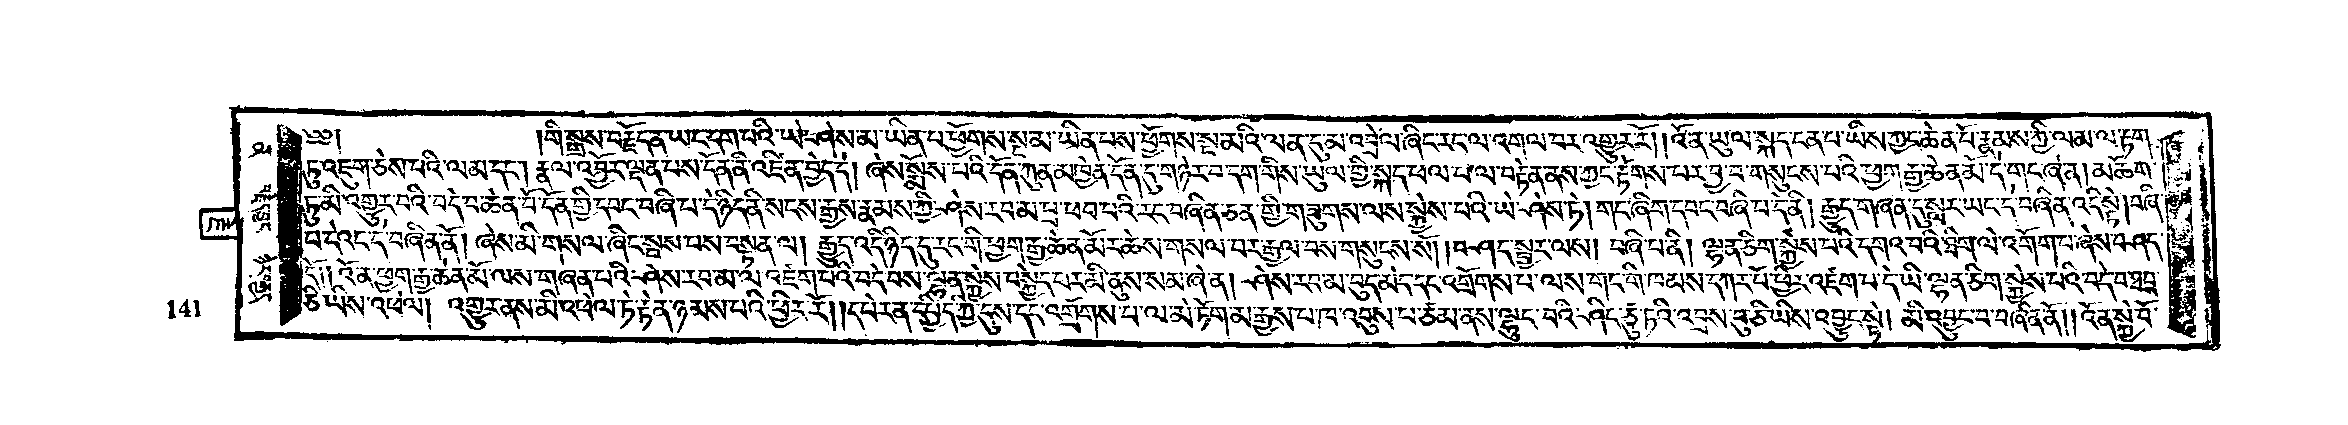༄༅། །གི་སྒྲས་བརྗོད་ན་ཡང་དག་པའི་ཡེ་ཤེས་མ་ཡིན་པ་ཕྱོགས་སྔ་མ་ཡིན་པས་ཕྱོགས་སྔ་མའི་ལན་དུ་མ་འབྲེལ་ཞིང་རང་ལ་འགལ་བར་འགྱུར་རོ། །འོ་ན་ཡུལ་སྐད་ངན་པ་ཡིས་ཀྱང་ཆེན་པོ་རྣམས་ཀྱི་ལམ་ལ་རྟག་
ཏུ་འཇུག་ཅེས་པའི་ལམ་དང་། རྣལ་འབྱོར་ལྡན་པས་དོན་ནི་འཛིན་བྱེད་དེ། ཞེས་སྨོས་པའི་དོན་ཀུན་མཁྱེན་དོན་དུ་གཉེར་བ་དག་གིས་ཡུལ་གྱི་སྐད་ཕལ་པ་ལ་བརྟེན་ནས་ཀྱང་རྟོགས་པར་བྱ་བ་གསུངས་པའི་ཕྱག་རྒྱ་ཆེན་མོ་དེ་གང་ཞེ་ན། མཆོག་
ཏུ་མི་འགྱུར་བའི་བདེ་བ་ཆེན་པོ་དོན་གྱི་དབང་བཞི་པ་དེ་ཉིད་ནི་སངས་རྒྱས་རྣམས་ཀྱི་ཤེས་རབ་མ་པྲ་ཕབ་པའི་རང་བཞིན་ཅན་གྱི་གཟུགས་ལས་སྐྱེས་པའི་ཡེ་ཤེས་ཏེ། གང་ཞིག་དབང་བཞི་པ་དེ་ནི། རྒྱུད་གཞན་དུ་སླར་ཡང་དེ་བཞིན་འདི་སྟེ། བཞི་
པ་དེའང་དེ་བཞིན་ནོ། ཞེས་མི་གསལ་ཞིང་སྦས་པས་བསྟན་ལ། རྒྱུད་འདི་ཉིད་དུ་རང་གི་ཕྱག་རྒྱ་ཆེན་མོར་ཆེས་གསལ་བར་རྒྱལ་བས་གསུངས་སོ། །བཤད་སྦྱར་ལས། བཞི་པ་ནི། ལྷན་ཅིག་སྐྱེས་པའི་དགའ་བའི་ཐིག་ལེ་འགོག་པ་ཞེས་བཤད་
དོ། །འོ་ན་ཕྱག་རྒྱ་ཆེན་མོ་ལས་གཞན་པའི་ཤེས་རབ་མ་ལ་འཛག་པའི་བདེ་བས་ལྷན་སྐྱེས་བསྐྱེད་པར་མི་ནུས་སམ་ཞེ་ན། ཤེས་རབ་མ་བུད་མེད་དང་འགྲོགས་པ་ལས་གང་གི་ཁམས་དཀར་པོ་ཕྱིར་འཛག་པ་དེ་ཡི་ལྷན་ཅིག་སྐྱེས་པའི་བདེ་བ་ཐབས་
ཅི་ཡིས་འཕེལ། འགྱུར་ནས་མི་འཕེལ་ཏེ་རྟེན་ཉམས་པའི་ཕྱིར་རོ། །དཔེར་ན་དཔྱིད་ཀྱི་དུས་དང་འགྲོགས་པ་ལ་མེ་ཏོག་མ་རྒྱས་པ་ཁ་འབུས་པ་ཙམ་ནས་ལྷུང་བའི་ཤིང་ཙུ་ཏའི་འབྲས་བུ་ཅི་ཡིས་འབྱུང་སྟེ། མི་འབྱུང་བ་བཞིན་ནོ། །འོ་ན་སྐྱེ་བོ་